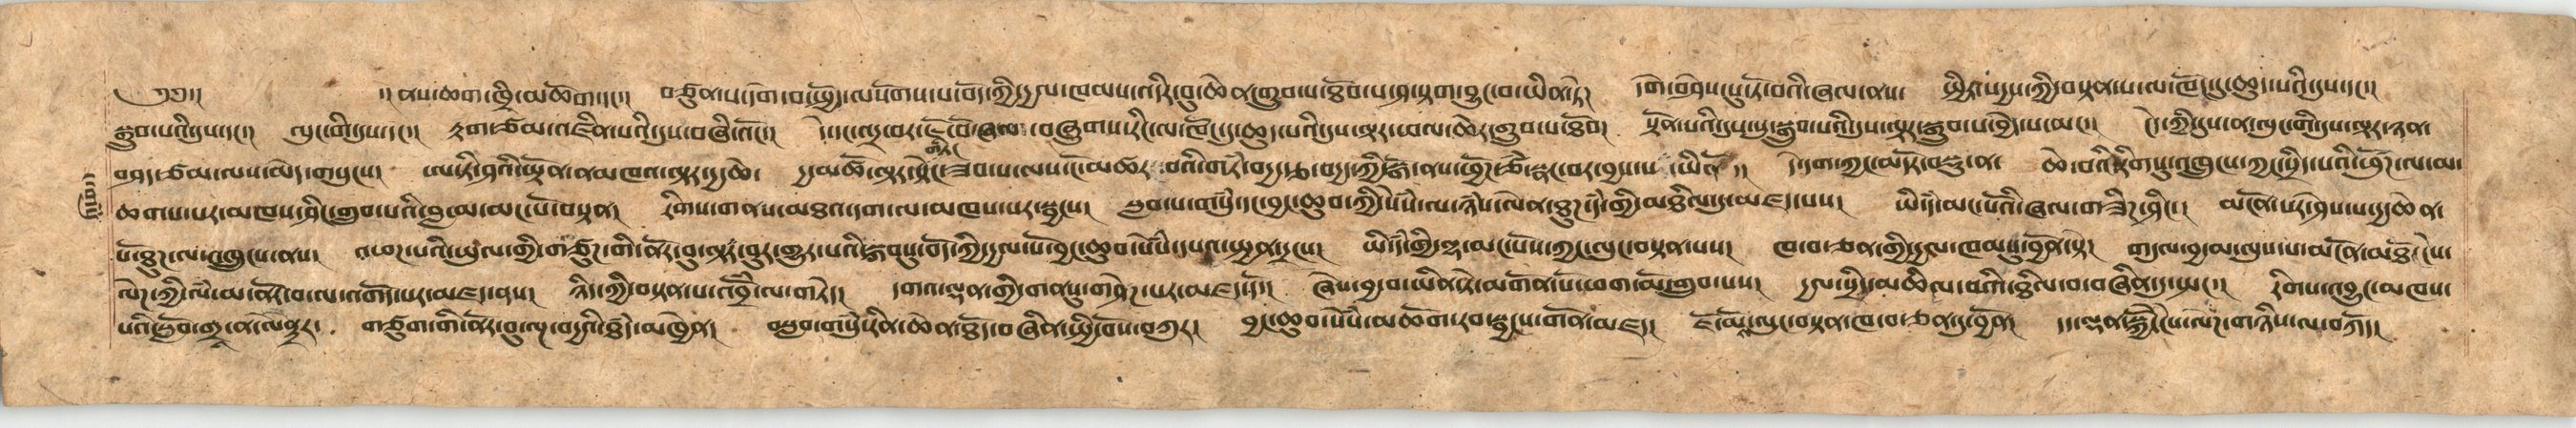༄༅་། ་།ནས་ཆག་ཁྲི་མཆོག་དང་། བཙུན་པ་དགེ་བ་སྤྱོད་ལསོགས་པ་བོད་ཀྱི་དྱལ་ཁམས་འདིར་བུ་ཆེན་གྲུབ་པ་ཐོབ་པ་ཤ་སྟག་བྱུང་བ་ཡིན་ཏེ། དགེ་བཤེས་པུ་ཏོ་བའི་ཞལ་ནས། སྤྱིར་སདྱས་ཀྱི་བསྟན་པ་ལ་ཁོང་དུ་ཆུད་པའི་དུས་དང་
སྒྲུབ་པའི་དུས་དང་། ལུང་གི་དུས་དང་། རྟག་ཙམ་འཛིན་པའི་དུས་བཞི་འོང་། དེ་དང་འདྲ་བར་ཇོ་བོ་ཞལ་བཞུགས་རིང་ལ་ཁོང་དུ་ཆུད་པའི་དུས་ལྟར་ཕལ་ཆེར་གྲུབ་པ་ཐོབ། སྟོན་པའི་དུས་སུ་སྒྲུབ་པའི་དུས་ལྟར་སྒྲུབ་པ་བྱེད་པ་མང་། ངེད་ཀྱི་དུས་ན་ལུང་གི་དུས་ལྟར་ཉན་
བཤད་ཙམ་ལས་མེད་གསུངས། ཨ་ཏི་ཤའི་ཡྟོན་ནམཁའ་ལྟར་དྱ་ཆེ། རྒྱ་མཚོ་ལྟར་སྟེང་ཟབ་པ་ལས་ངོ་མཚར་བའི་གཏཾ་བདྱ་རྩ་བདྱད་ཀྱི་སྒོ་ནས་ཕྱོཌ་ཙཾ་སྣང་བར་བྱས་པ་ཡིན་ནོ། དེ་དག་ཀྱང་མདོར་བསྡུ་ན་ ཆེ་བའི་རིགསུ་སྐུ་འཁྲུངས་ཀྱང་སྲིད་པའི་ཕུཚོཌ་ལ་མ་
ཆགས་པར་མཁས་ཤིང་གྲུབ་པའི་བླ་མ་མང་པོ་བསྟན། རིགས་གནས་མཐའ་དག་ལ་མཁས་པར་སྦྱངས། སླབ་པ་གསུཾ་དང་བྱང་ཆུབ་ཀྱི་སེཾས་ལ་ཉཾས་ལེན་ཐུཌ་དཾ་གྱི་མཐིལ་དུ་མཛད་པས། ཡི་དཾ་མང་པོའི་ཞལ་གཟིཌ་ཤིང་། མངོན་པར་ཤེས་པ་དྱ་ཆེན་
པོ་ཐུཌ་ལ་འཁྲུངས་ནས། འཕཌ་པའི་ཡུལ་གྱི་གཙུཌ་གི་ནོར་བུ་ལྟར་བུར་གྱུར་པའི་སྐབསུ་བོད་ཀྱི་དྱལ་པོ་བྱང་ཆུབ་སེཾས་དཔའ་སྤྱན་དྲངས། ཡི་དཾ་གྱི་ལྷ་མང་པོས་ཀྱང་ལུང་བསྟན་པས། ཁ་བ་ཅན་གྱི་དྱལ་ཁམསུ་བྱོན་སྟེ། གདུལ་བྱ་མ་ལུས་པ་མངོན་མཐོ་ངེས་
ལེཌ་ཀྱི་ལཾ་མ་ནོར་བ་ལ་འགོད་པར་མཛད་ནས། ཉིད་ཀྱི་བསྟན་པ་འབྲོཾ་ལ་གཏེད། དགའ་ལྡན་གྱི་གནསུ་གཤེཌ་པར་མཛད་དོ། ཞེས་བྱ་བ་ཡིན་ཏེ་མགོན་པོ་ཕག་མོ་གྲུབ་པས། དྱལ་སྲིད་མཆིལ་མའི་ཐིལ་བ་བཞིན་དུ་སྤང་། རིགས་འབྱུང་མཁས་
པའི་སློབ་གྲྭ་ན་ལེནྡྲར་ གཙུག་གི་ནོར་བུ་ལྔ་བདྱའི་ཐཾད་མཁྱེན། བསླབ་གསུཾ་རིན་ཆེན་ཐོད་བཞིན་སྤྱི་བོས་བཀུར། བྱང་ཆུབ་སེཾས་མཆོག་རབ་སྦྱངས་གོན་མཛད། ཇོ་མོས་ལུང་བསྟན་ཁ་བ་ཅན་དུ་བྱོན། དད་ལྡན་སྐྱོེ་ངེས་ལེཌ་གཉིས་ལ་བཀོད།